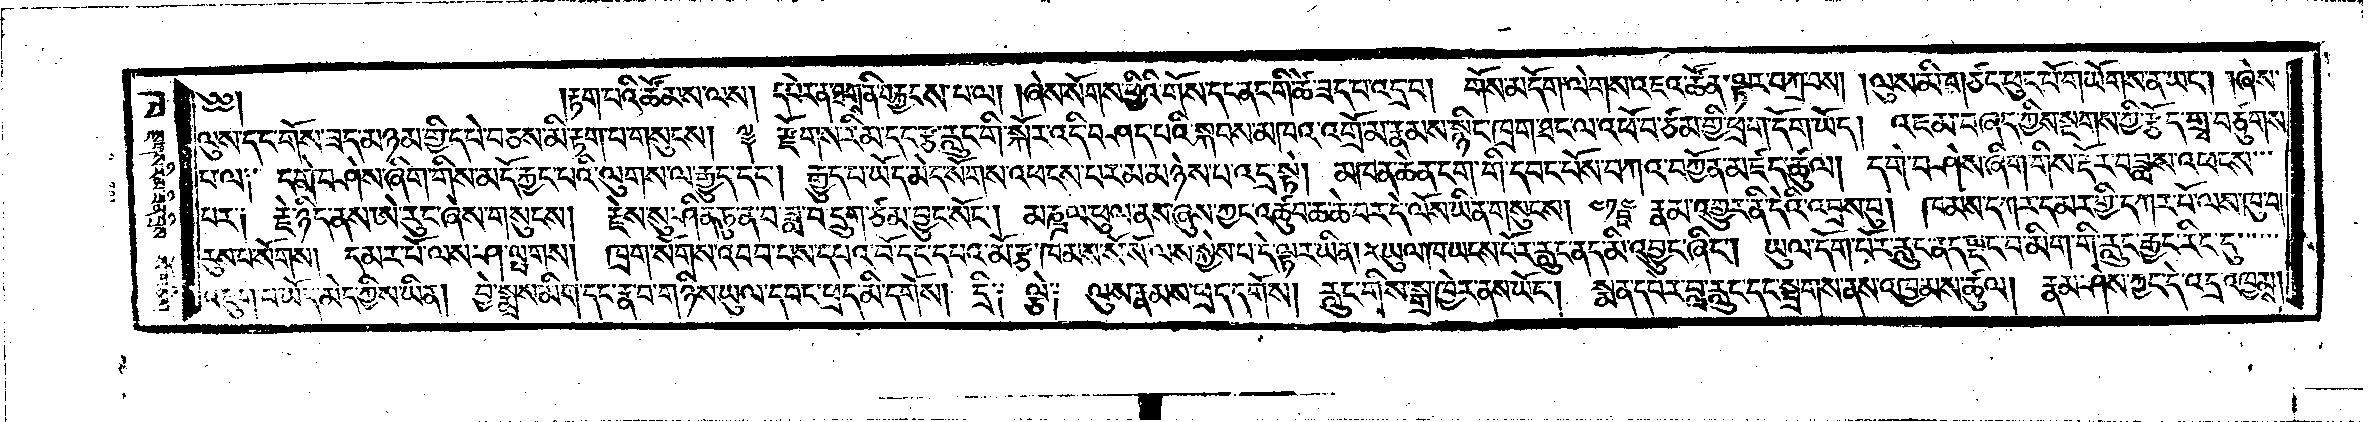༄༅། །རྟག་པའི་ཚོམས་ལས། དཔེར་ན་ཐགས་ནི་བརྐྱངས་པ་ལ། །ཞེས་སོགས་ཕྱིའི་གོས་དང་ནང་གི་ཚེ་ཟད་པ་འདྲ་བ། གོས་མདོག་ལེགས་འཇའ་ཚོན་ལྟར་བཀྲ་བས། །ལུས་མི་གཙང་ཕུང་པོ་གཡོགས་ན་ཡང་། །ཞེས་
ལུས་དང་གོས་ཟད་མཉམ་གྱི་དཔེ་བཅས་མི་རྟག་པ་གསུངས། ༈ རྫོགས་རིམ་དང་རྩ་རླུང་གི་སྐོར་འདི་བཤད་པའི་སྐབས་མཁའ་འགྲོ་མ་རྣམས་སྙིང་ཁྲག་ཐང་ལ་འཕོབ་ཙམ་གྱི་ཕྲག་དོག་ཡོད། འཇམ་བཞད་ཀྱིས་སྔགས་ཀྱི་རྩོད་གྲྭ་བཙུགས་
པ་ལ༑ དགེ་བཤེས་ཞིག་གིས་མདོ་རྐྱང་པའི་ལུགས་ལ་རྒྱུད་དང་། རྒྱུད་པ་ཡོད་མེད་སོགས་འཕངས་པར་མ་མཉེས་པ་འདྲ་སྟེ། མཁན་ཆེན་ངག་གི་དབང་པོས་བཀའ་བཀྱོན་མཛད་ཚུལ། དགེ་བཤེས་ཞིག་གིས་རྡོར་བཟླས་འཕངས་
པར༑ རྗེ་ཉིད་ནས་ཨེ་རུང་ཞེས་གསུངས། རྗེས་སུ་ཤིན་ཏུ་ན་བ་ཟླ་བ་དྲུག་ཙམ་བྱུང་སོང་། མཎྜལ་ཕུལ་ནས་ཞུས་ཀྱང་འཚུབ་ཆ་ཆེ་བར་དེ་ལོས་ཡིན་གསུངས། ༤༡༤བ༥་རྣམ་འགྱུར་ནི་དེའི་འབླས་བུ། ཁམས་དཀར་དམར་གྱི་དཀར་པོ་ལས་ཁུ་བ།
རུས་པ་སོགས། དམར་པོ་ལས་ཤ་ལྤགས། ཁྲག་སོགས་འབབ་པས་དཔའ་བོ་དང་དཔའ་མོ་རྩ་ཁམས་སོ་སོ་ལས་སྐྱེས་པ་དེ་ལྟར་ཡིན། ྾་ཡུལ་ཁ་ཡངས་པོར་རླུང་ནད་མི་འབྱུང་ཞིང་། ཡུལ་དོག་པོར་རླུང་ནད་ལྡང་བ་མིག་གི་རླུང་རྒྱང་རིང་དུ་
འཇུག་བ་ཡོད་མེད་ཀྱིས་ཡིན། བྱེ་སྨྲས་མིག་དང་རྣ་བ་གཉིས་ཡུལ་དབང་ཕྲད་མི་དགོས། དྲི༑ ལྕེ༑ ལུས་རྣམས་ཕྲད་དགོས། རླུང་གིས་སྒྲ་ཁྱེར་ནས་ཡོང་། སྨན་དཔེར་བླ་རླུང་དང་སྦྲགས་ནས་འཁྱམས་ཚུལ། རྣམ་ཤེས་ཀྱང་དེ་འདྲ་འཁྱམས།